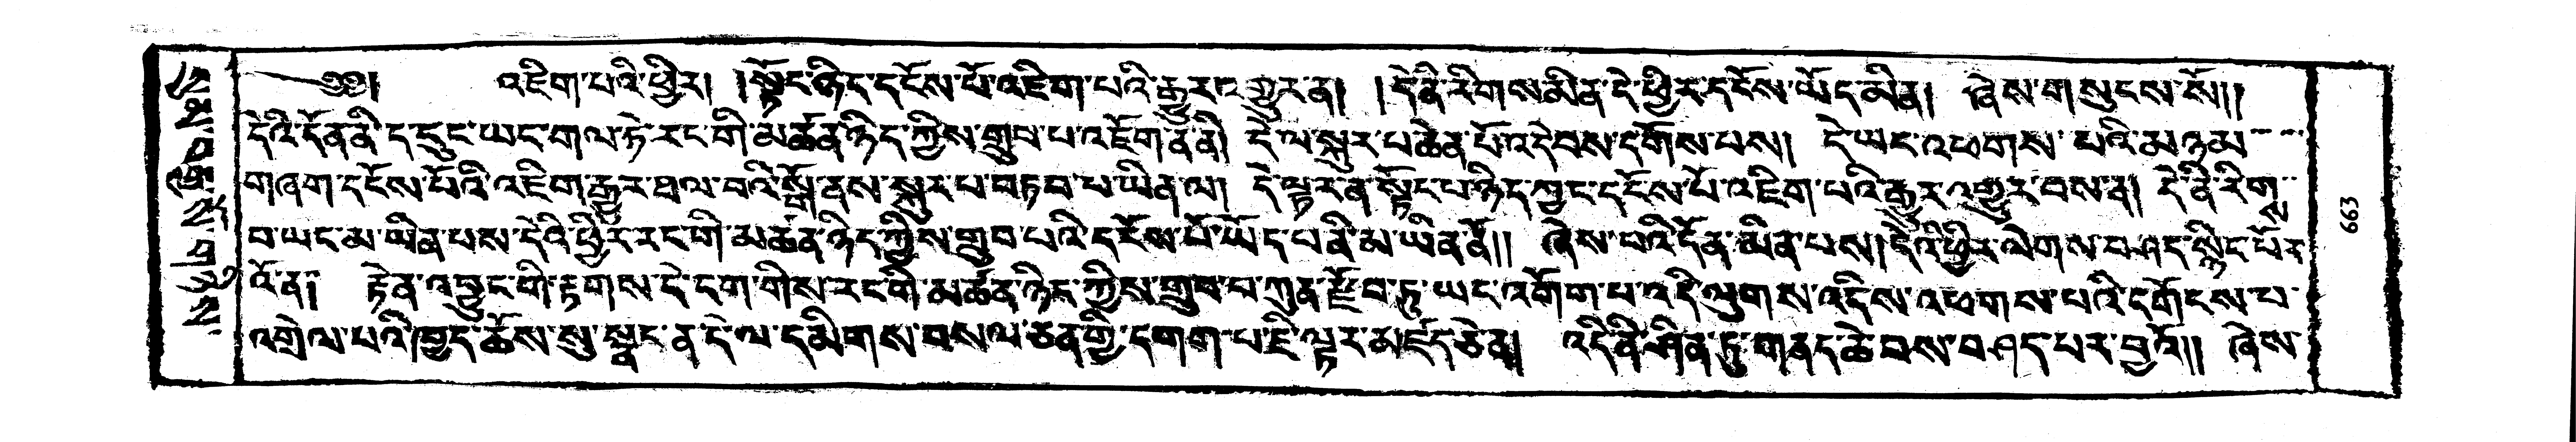༄༅། །འཇིག་པའི་ཕྱིར། །སྟོང་ཉིད་དངོས་པོ་འཇིག་པའི་རྒྱུར་འགྱུར་ན། །དེ་ནི་རིགས་མིན་དེ་ཕྱིར་དངོས་ཡོད་མིན། ཞེས་གསུངས་སོ། །
དེའི་དོན་ནི་ད་དུང་ཡང་གལ་ཏེ་རང་གི་མཚན་ཉིད་ཀྱིས་གྲུབ་པ་འཇོག་ན་ནི། དེ་ལ་སྐུར་པ་ཆེན་པོ་འདེབས་དགོས་པས། དེ་ཡང་འཕགས་པའི་མཉམ་
གཞག་དངོས་པོའི་འཇིག་རྒྱུར་ཐལ་བའི་སྒོ་ནས་སྐུར་པ་བཏབ་པ་ཡིན་ལ། དེ་ལྟར་ན་སྟོང་པ་ཉིད་ཀྱང་དངོས་པོ་འཇིག་པའི་རྒྱུར་འགྱུར་བས་ན། དེ་ནི་རིགས་
པ་ཡང་མ་ཡིན་པས་དེའི་ཕྱིར་རང་གི་མཚན་ཉིད་ཀྱིས་གྲུབ་པའི་དངོས་པོ་ཡོད་པ་ནི་མ་ཡིན་ནོ། །ཞེས་པའི་དོན་མིན་པས། དེའི་ཕྱིར་ལེགས་བཤད་སྙིང་པོར་
འོ་ན༑ རྟེན་འབྱུང་གི་རྟགས་དེ་དག་གིས་རང་གི་མཚན་ཉིད་ཀྱིས་གྲུབ་པ་ཀུན་རྫོབ་ཏུ་ཡང་འགོག་པ་འདི་ལུགས་འདིས་འཕགས་པའི་དགོངས་པ་
འགྲེལ་པའི་ཁྱད་ཆོས་སུ་སྣང་ན་དེ་ལ་དམིགས་བསལ་ཅན་གྱི་དགག་པ་ཇི་ལྟར་མཛད་ཅེ་ན། འདི་ནི་ཤིན་ཏུ་གནད་ཆེ་བས་བཤད་པར་བྱའོ། །ཞེས་